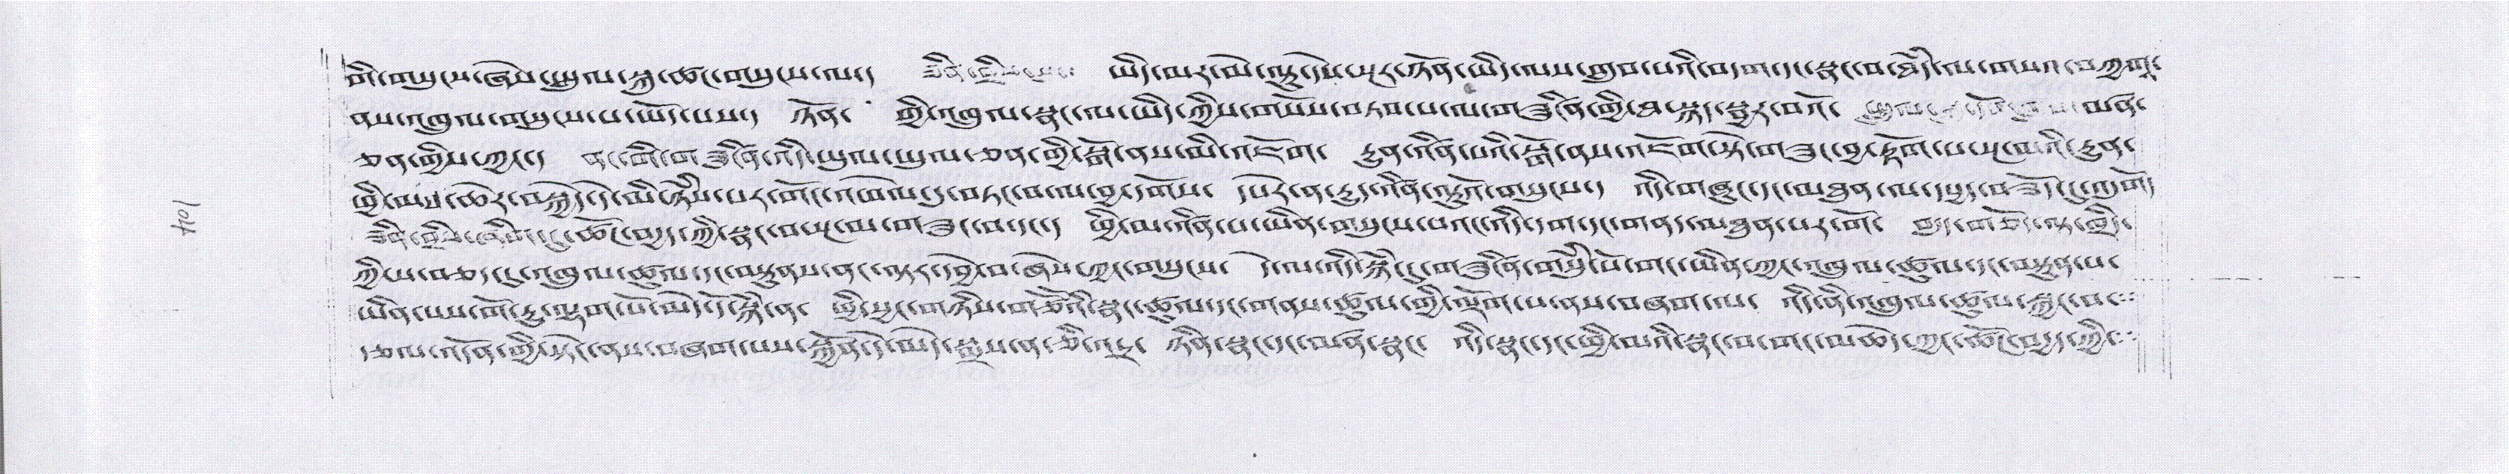གི་གསུངས་ཞེས་སྤྲུལ་སྐུ་ཚང་གསུངས་ལ། ཟིན་བྲིས་སུ། ཡིད་མར་མེ་ལྟ་བུ་དེས་སྔར་ཉོན་ཡིད་ལས་གྲུབ་པའི་བདག་དང་སྣང་བ་ཐམས་ཅད་གསའ་བཀྱགས་
ནས་འཁྲུལ་གསུངས་པ་ཡོད་པས་ཉོན་༼མོངས་ཀྱི་༽འཁྲུལ་སྣང་ལ་ཡིད་ཀྱི་གསོས་བཏབས་པ་ལ་གཟུང་འཛིན་གྱི་ཐ་སྙད་སྦྱར་བའོ། སྤྲུལ་སྐུ་དོན་གྲུབ་མཚན་
ཅན་གྱིས་ཀྱང་། ནང་གི་གཟུང་འཛིན་འདི་ཡུལ་ཡུལ་ཅན་གྱི་སྒོ་ནས་མི་འཇོག རྒྱུན་འཛིན་པའི་སྒོ་ནས་འཇོག་སྟེ། གཟུང་བྱ་རྟོག་པ་སྔ་མའི་རྒྱུན་
ཕྱི་མ་ཆེར་བསྐྱེད་དེ་མི་ཉམས་པར་གོང་འཕེལ་དུ་གཏོང་བ་ལ་བྱ་དགོས། དཔེར་ན་རྒྱུད་འཛིན་ལྟ་བུའོ་གསུངས། འདི་གཞུང་དང་མཐུན་ལ་དཔྱད་བཟོད་དུ་འདུག་གོ 
ཟིན་བྲིས་ཤིག་ཏུ་ཚོགས་བརྒྱད་ཀྱི་སྣང་བ་སྔ་མ་གཟུང་བ་དང་། ཕྱི་མ་འཛིན་པ་ཡིན་གསུངས་པའང་འདི་དག་དང་གནད་མཐུན་པར་གོ བདུད་གཅོད་ལྟ་ཁྲིད་
ཀྱི་ས་བཅད་དུ་འཁྲུལ་ཚུལ་དང་བསྟུན་ནས་ནང་ལྟར་དབྱེ་བ་ཞེས་ཀྱང་གསུངས། དེ་ལ་འདི་སྙམ་དུ་གཟུང་འཛིན་གསུམ་པོ་གང་ཡིན་ཀྱང་འཁྲུལ་ཚུལ་དང་བསྟུན་པ་
ཡིན་པས་གོ་རྒྱུ་ལྷག་པོ་མེད་དམ་སྙམ་ན། ཕྱི་གསང་གཉིས་གཙོ་བོའི་སྣང་ཚུལ་དང་གནས་ཚུལ་གྱི་ལྡོག་པ་ནས་བཞག་ལ། འདི་ནི་འཁྲུལ་ཚུལ་རྐྱང་པ་
རྩལ་འདོན་གྱི་སྟེང་ནས་བཞག་པས་སྐྱོན་དེ་མེད་སྨྲས་ན་ཅི་འདྲ། ཉིན་སྣང་དང་མཚན་སྣང་། འདི་སྣང་དང་ཕྱི་མའི་སྣང་བ་གང་མཆེད་ཀྱང་ཚོགས་བརྒྱད་ཀྱི་